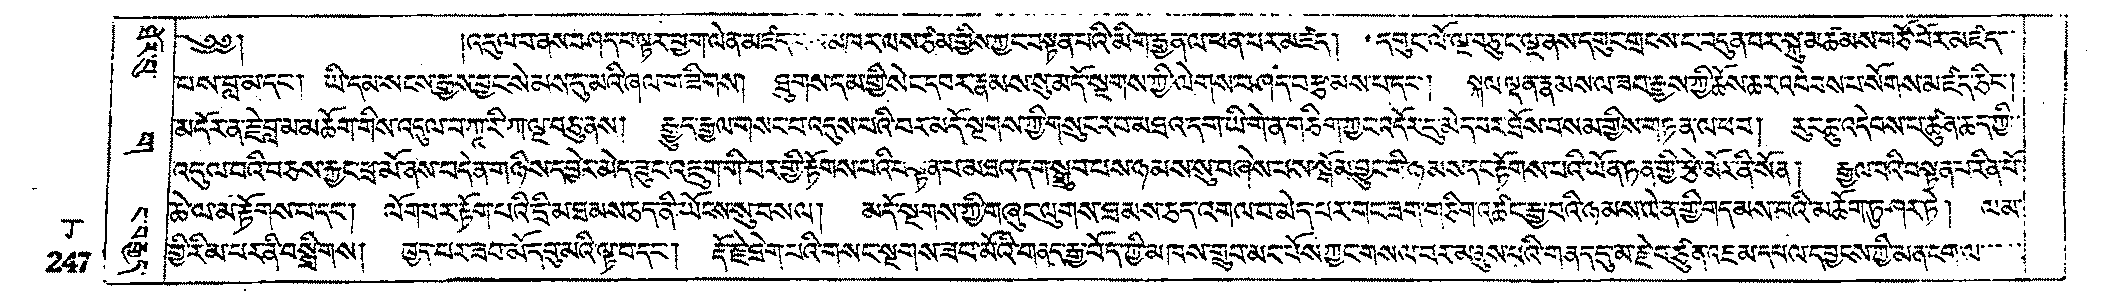༄༅། །འདུལ་བ་ནས་བཤད་པ་ལྟར་ཕྱག་ལེན་མཛད་པས་མཁར་ལས་ཙམ་གྱིས་ཀྱང་བསྟན་པའི་མིག་རྒྱན་ལ་ཕན་པར་མཛད། དགུང་ལོ་ལྔ་བཅུ་ང་ལྔ་ནས་དགུང་གྲངས་ང་བདུན་བར་སྐུ་མཚམས་གཙོ་བོར་མཛད་་་
པས་བླ་མ་དང་། ཡི་དམ་སངས་རྒྱས་བྱང་སེམས་དུ་མའི་ཞལ་གཟིགས། ཐུགས་དམ་གྱི་སེང་དབར་རྣམས་སུ་མདོ་སྔགས་ཀྱི་ལེགས་བཤད་བརྩམས་པ་དང་། སྐལ་ལྡན་རྣམས་ལ་ཟབ་རྒྱས་ཀྱི་ཆོས་ཆར་འབེབས་པ་སོགས་མཛད་ཅིང་།
མདོར་ན་རྗེ་བླ་མ་མཆོག་གིས་འདུལ་བ་ཀཱ་རི་ཀ་ལྔ་བཅུ་ནས། རྒྱུད་རྒྱལ་གསང་བ་འདུས་པའི་བར་མདོ་སྔགས་ཀྱི་གསུང་རབ་མཐའ་དག་ཡི་གེ་ན་གཅིག་ཀྱང་འདོར་དུ་མེད་པར་ཐོས་བསམ་གྱིས་གཏན་ལ་ཕབ། རུང་ཆུ་འདེབས་པ་ཚུན་ཆད་ཀྱི་་་
འདུལ་བའི་བཅས་རྐྱང་ཕྲ་མོ་ནས་བདེན་གཉིས་དབྱེར་མེད་ཟུང་འཇུག་གི་བར་གྱི་རྟོགས་པའི་བསྟན་པ་མཐའ་དག་སྒྲུབ་པས་ཉམས་སུ་བཞེས་པས་སྒོམ་བྱུང་གི་ཉམས་དང་རྟོགས་པའི་ཡོན་ཏན་གྱི་རྩེ་མོར་ནི་སོན། རྒྱལ་བའི་བསྟན་པ་རིན་པོ་
ཆེ་ལ་མ་རྟོགས་པ་དང་། ལོག་པར་རྟོག་པའི་དྲི་མ་ཐམས་ཅད་ནི་ཡོངས་སུ་བསལ། མདོ་སྔགས་ཀྱི་གཞུང་ལུགས་ཐམས་ཅད་འགལ་བ་མེད་པར་གང་ཟག་གཅིག་འཚང་རྒྱ་བའི་ཉམས་ལེན་གྱི་གདམས་པའི་མཆོག་ཏུ་ཤར་ཏེ། ལམ་
གྱི་རིམ་པར་ནི་བསྒྲིགས། ཁྱད་པར་ཟབ་མོ་དབུ་མའི་ལྟ་བ་དང་། རྡོ་རྗེ་ཐེག་པའི་གསང་སྔགས་ཟབ་མོའི་གནད་རྒྱ་བོད་ཀྱི་མཁས་གྲུབ་མང་པོས་ཀྱང་གསལ་བར་མ་ནུས་པའི་གནད་དུ་མ་རྗེ་བཙུན་འཇམ་དཔལ་དབྱངས་ཀྱི་མན་ངག་ལ་་་